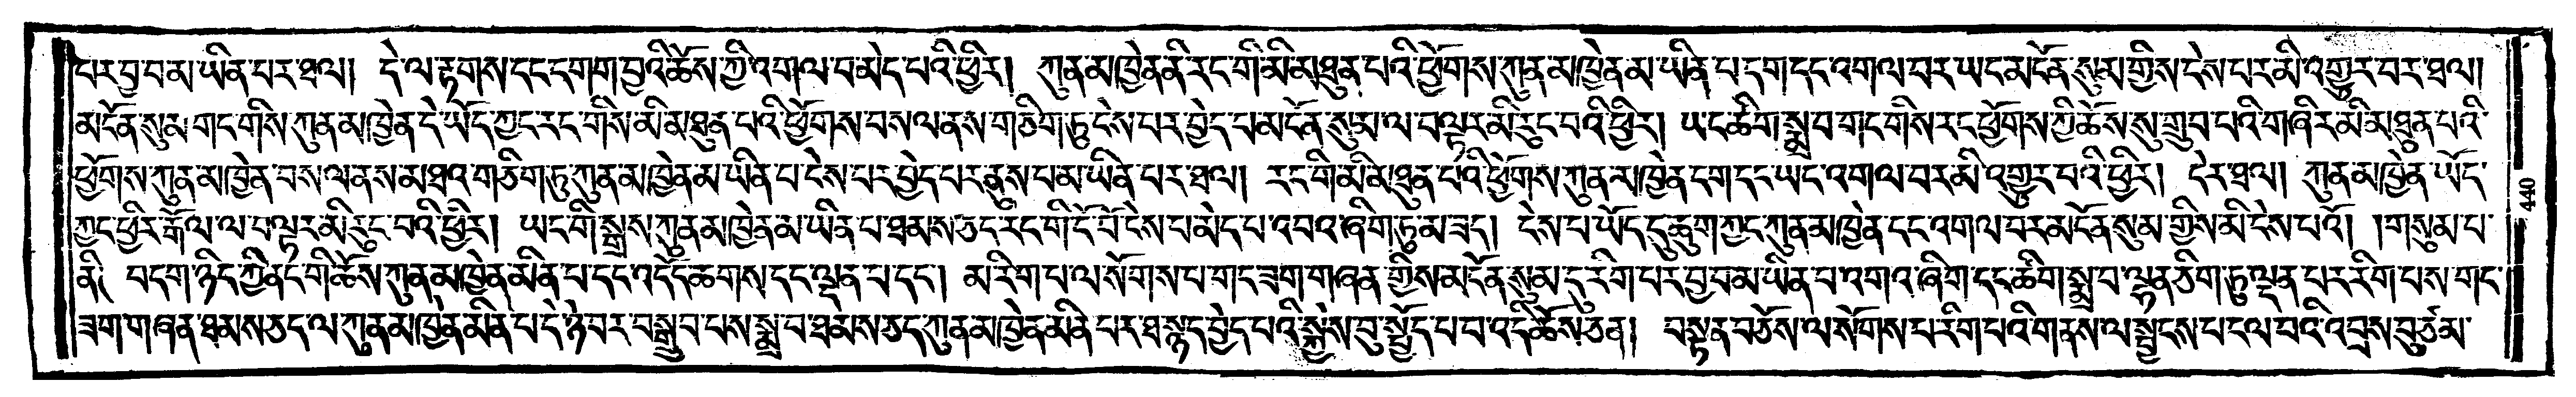པར་བྱ་བ་མ་ཡིན་པར་ཐལ། དེ་ལ་རྟགས་དང་དགག་བྱའི་ཆོས་ཀྱི་འགལ་བ་མེད་པའི་ཕྱིར། ཀུན་མཁྱེན་ནི་རང་གི་མི་མཐུན་པའི་ཕྱོགས་ཀུན་མཁྱེན་མ་ཡིན་པ་དག་དང་འགལ་བར་ཡང་མངོན་སུམ་གྱིས་ངེས་པར་མི་འགྱུར་བར་ཐལ།
མངོན་སུམ་གང་གིས་ཀུན་མཁྱེན་དེ་ཡོད་ཀྱང་རང་གིས་མི་མཐུན་པའི་ཕྱོགས་བསལ་ནས་གཅིག་ཏུ་ངེས་པར་བྱེད་པ་མངོན་སུམ་ལ་བལྟར་མི་རུང་བའི་ཕྱིར། ཡང་ཚིག་སྨྲ་བ་གང་གིས་རང་ཕྱོགས་ཀྱི་ཆོས་སུ་གྲུབ་པའི་གཞིར་མི་མཐུན་པའི་
ཕྱོགས་ཀུན་མཁྱེན་བསལ་ནས་མཐའ་གཅིག་ཏུ་ཀུན་མཁྱེན་མ་ཡིན་པ་ངེས་པར་བྱེད་པར་ནུས་པ་མ་ཡིན་པར་ཐལ། རང་གི་མི་མཐུན་པའི་ཕྱོགས་ཀུན་མཁྱེན་དག་དང་ཡང་འགལ་བར་མི་འགྱུར་བའི་ཕྱིར། དེར་ཐལ། ཀུན་མཁྱེན་ཡོད་
ཀྱང་ཕྱིར་རྒོལ་ལ་བལྟར་མི་རུང་བའི་ཕྱིར། ཡང་གི་སྒྲས་ཀུན་མཁྱེན་མ་ཡིན་པ་ཐམས་ཅད་རང་གི་ངོ་བོ་ངེས་པ་མེད་པ་འབའ་ཞིག་ཏུ་མ་ཟད། ངེས་པ་ཡོད་དུ་ཆུག་ཀྱང་ཀུན་མཁྱེན་དང་འགལ་བར་མངོན་སུམ་གྱིས་མི་ངེས་པའོ། །གསུམ་པ་
ནི༑ བདག་ཉིད་ཀྱི་ནང་གི་ཆོས་ཀུན་མཁྱེན་མིན་པ་དང་འདོད་ཆགས་དང་ལྡན་པ་དང་། མ་རིག་པ་ལ་སོགས་པ་གང་ཟག་གཞན་གྱིས་མངོན་སུམ་དུ་རིག་པར་བྱ་བ་མ་ཡིན་པ་འགའ་ཞིག་དང་ཚིག་སྨྲ་བ་ལྷན་ཅིག་ཏུ་ལྡན་པར་རིག་པས་གང་
ཟག་གཞན་ཐམས་ཅད་ལ་ཀུན་མཁྱེན་མིན་པ་དེ་ཉེ་བར་བསྒྲུབ་པས་སྨྲ་བ་ཐམས་ཅད་ཀུན་མཁྱེན་མིན་པར་ཐ་སྙད་བྱེད་པའི་སྐྱེས་བུ་སྤྱོད་པ་བ་འདི་ཆོས་ཅན། བསྟན་བཅོས་ལ་སོགས་པ་རིག་པའི་གནས་ལ་སྦྱངས་པ་ངལ་བའི་འབྲས་བུ་ཙམ་